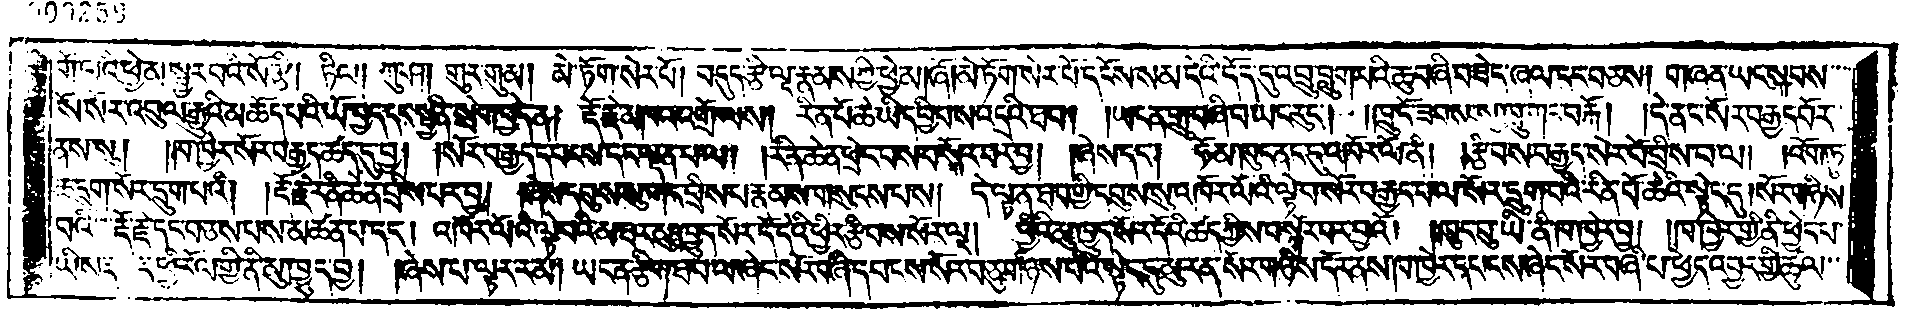གོ་ལའི་ཕྱེ་མ་སྦྱར་བའི་སོ་རྩི། ཏིལ། ཀུ་ཤ། གུར་གུམ། མེ་ཏོག་སེར་པོ། བདུད་རྩི་ལྔ་རྣམས་ཀྱི་ཕྱེ་མ། ཞོ། མེ་ཏོག་སེར་པོ་དངོས་སམ་དེའི་དོད་དུ་འབྲུ་བླུག་པའི་ཆུ་བཞི་བཟེད་ཞལ་དང་བཅས། གཞན་ཡང་སྐབས་
སོ་སོར་འབུལ་རྒྱུའི་མཆོད་པའི་ཡོ་བྱད་དང་སྦྱིན་སྲེག་བྱེད་ན། རྡོ་རྗེ་མཁའ་འགྲོ་ལས། རིན་པོ་ཆེ་ཡི་དབྱིབས་འདྲའི་ཐབ། །ཡང་ན་གྲུ་བཞི་བ་ཡང་རུང་། །ཁྲུ་དོ་ཟབས་སུ་ཁྲུ་གང་བརྐོ། །དེ་ནང་སོར་བརྒྱད་བོར་
ནས་སུ། །ཁ་ཁྱེར་སོར་བརྒྱད་ཚད་དུ་བྱ། །སོར་བརྒྱད་དཔངས་དང་ལྡན་པ་ལ། །རིན་ཆེན་ཕྲེང་བས་བསྐོར་བར་བྱ། །ཞེས་དང་། ཧོམ་ཁུང་ནང་དུ་འཁོར་ལོ་ནི། །རྩིབས་བརྒྱད་སེར་པོ་བྲིས་པ་ལ། །འོག་ཏུ་
ཆ་དྲུག་སོར་དྲུག་པའི། །རྡོ་རྗེ་རིན་ཆེན་བྲིས་པར་བྱ། །ཞེས་དབུས་སུ་གང་བྲིས་པ་རྣམས་གསུངས་པས། དེ་ལྟ་ན་ཐབ་གྱི་དབུས་སུ་འཁོར་ལོའི་ལྟེ་བ་སོར་བརྒྱད་པ་ལ་སོར་དྲུག་པའི་རིན་པོ་ཆེའི་སྟེང་དུ། སོར་གཉིས་
པའི་རྡོ་རྗེ་དང་བཅས་པས་མཚན་པ་དང་། འཁོར་ལོའི་ལྟེ་བའི་མཐར་མུ་ཁྱུད་སོར་དོ་དེའི་ཕྱིར་རྩིབས་སོར་ལྔ། ཕྱིའི་མུ་ཁྱུད་སོར་དོའི་ཚད་ཀྱིས་བསྐོར་བར་བྱའོ། །ཁུད་བུ་ཡི་ནི་ཁ་ཁྱེར་བྱ། །ཁ་ཁྱེར་གྱི་ནི་ཕྱེད་པ་
ཡིས༑ ༑ཕྱི་རོལ་གྱི་ནི་མུ་ཁྱུད་བྱ། །ཞེས་པ་ལྟར་རམ། ཡང་ན་རྩིག་ཐབ་ལ་ཞེང་སོར་བཞི་དཔངས་སོར་བཅུ་གཉིས་པའི་སྟེང་དུ་མུ་རན་སོར་གཉིས་དོར་ནས་ཁ་ཁྱེར་དཔངས་ཞེང་སོར་བཞི་པ་ཕྱེད་འབྱར་གྱི་ཚུལ་